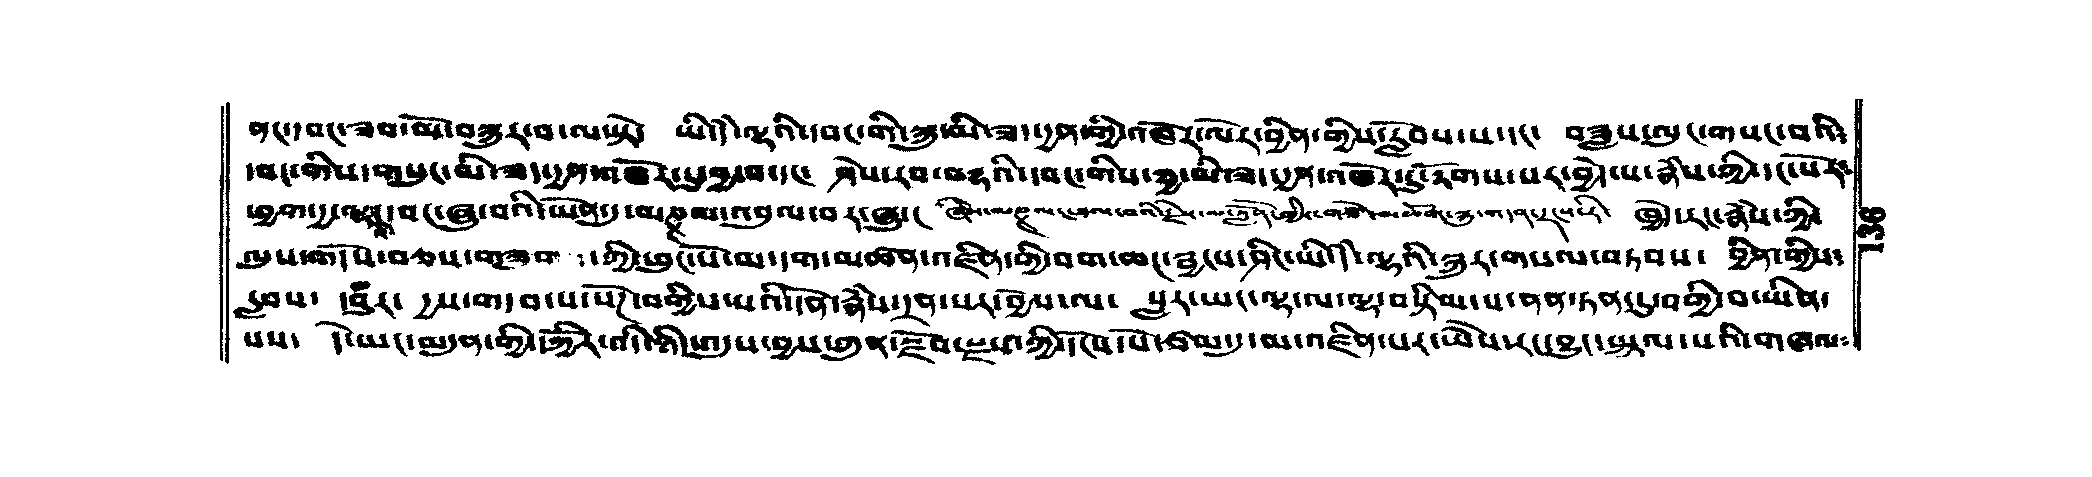ནང་དབང་ཟབ་མོ་བསྐུར་བ་ལ་སྟེ། ཡི་དམ་ལྷའི་དབང་གི་སྐུ་མི་ཟད་རྒྱན་གྱི་འཁོར་ལོར་བྱིན་གྱིས་རློབས་པ་དང་། བཟླས་ལུང་གསང་བའི་
དབང་གིས་གསུང་མི་ཟད་རྒྱན་འཁོར་དུ་བྱ་བ་དང་། ཤེས་རབ་བརྡའི་དབང་གིས་ཐུགས་མི་ཟད་རྒྱན་འཁོར་དུ་རྟོགས་པར་བྱེད་པ་རྣམས་ཀྱི་དང་པོར་
ཕྱག་རྒྱ་ལྷའི་དབང་ཞུ་བའི་ཡོན་དུ་མཎྜལ་འབུལ་བར་ཞུ།ཞེས་མཎྜལ་ཕུལ་བའི་རྗེས་ལ་སློབ་དཔོན་གྱིས་གཙོ་མཆོག་སྐུ་གདན་དྲངས་ཏེ། ཁྱོད་རང་རྣམས་ཀྱི་
ལུས་གདོས་བཅས་གཟུགས་ཀྱི་ཕུང་པོ་མ་དག་མཚན་འཛིན་གྱི་བག་ཆགས་སྦྱངས་ཤིང་ཡི་དམ་ལྷའི་སྐུར་གསལ་བཏབས། བྱིན་གྱིས་
རླབས། དབང་བསྐུར། རྒྱས་གདབ་པ་སོགས་བགྱིས་པའི་དོན་རྣམས་དྲན་པར་བྱོས་ལ། སླར་ཡང་ལྷ་ལ་ལྷ་བསྟིམ་པ་ནན་ཏན་དུ་བགྱི་བ་ཡིན་
པས། དེ་ཡང་མདུན་གྱི་དཀྱིལ་འཁོར་འདི་ཉིད་འདུས་བྱས་ཀུན་རྫོབ་རྫས་ཀྱི་དངོས་པོ་ཙམ་དུ་མ་མཛིན་པར་ཡེ་ཤེས་རང་བྱུང་སྤྲུལ་པའི་གཞལ་